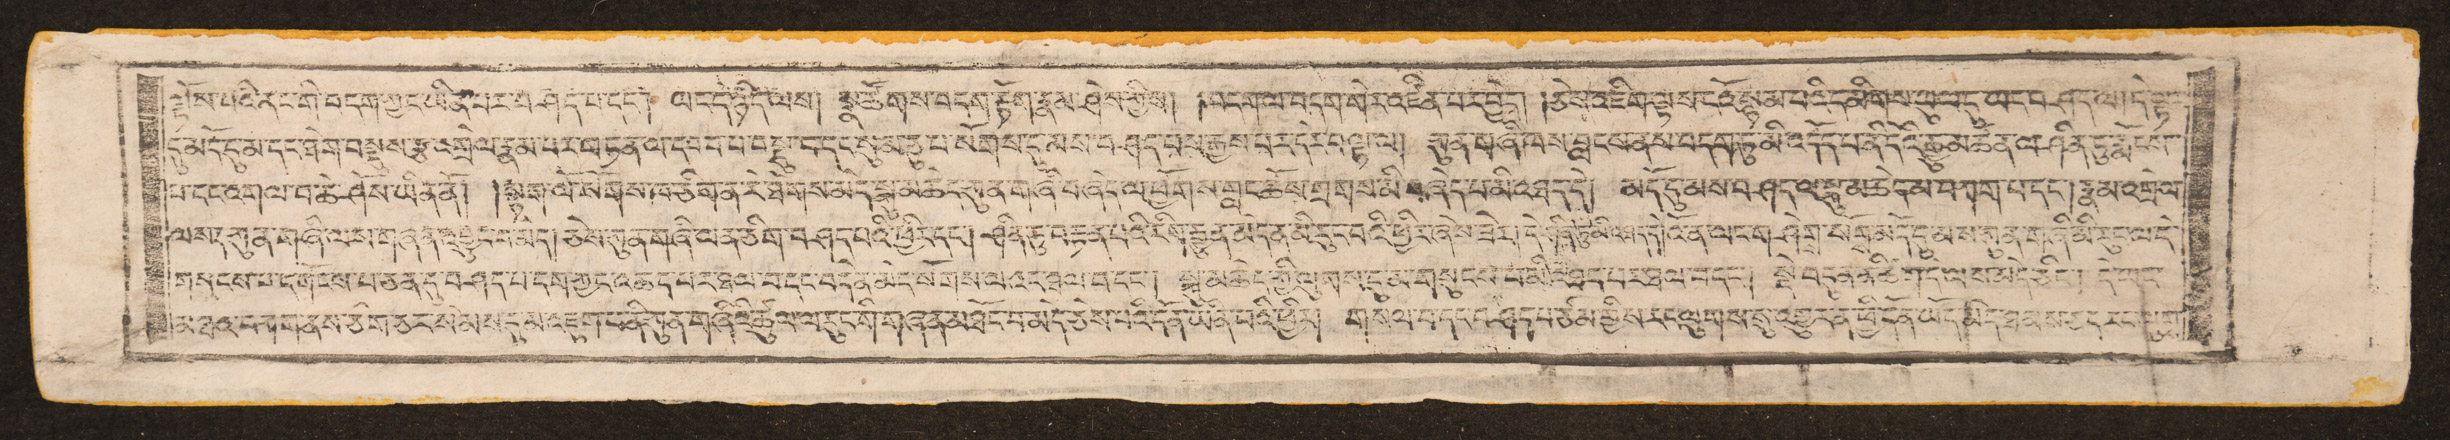ལྟོས་པའི་ནང་གི་བདག་ཀྱང་ཡིན་པར་བཤད་པ་དང་། ཡང་དེ་ཉིད་ལས། སྣ་ཚོགས་བདག་རྟོག་རྣམ་ཤེས་ཀྱིས། །བདག་ལ་བདག་གིར་འཛིན་པར་བྱེད། །ཅེས་འཇིག་ལྟས་པའོ་སྙམ་པའི་དམིགས་ཡུལ་དུ་ཡང་བཤད་ལ། དེ་ལྟ་
དུ་མདོན་དུ་མ་དང་ཐེག་བསྡུས་རྩ་འགྲེལ་རྣམ་པར་གཏན་ལ་དབབ་པ་བསྡུ་པ་དང་སུམ་ཅུ་པ་སོགས་དུ་མས་བཤད་པས་རྒྱས་པར་དེར་བལྟ་ལ། ཀུན་གཞི་ཁས་བླངས་ནས་བདག་ཏུ་མི་འདོད་པ་ནི་དེའི་རྒྱུ་མཚན་ལ་ཤིན་ཏུ་རྨོངས་
པ་དང་འགལ་བ་ཆེ་ཤོས་ཡིན་ནོ། །སྟག་ལོ་སོགས་ཁ་གཅིག་ན་རེ་ཐོགས་མེད་སྐུ་མཆེད་ཀུན་གཞི་བཞེད་ལ་ཕྱོགས་གླང་ཆོས་གྲགས་མི་བཞེད་པ་མི་འཐད་དེ། མདོ་དུ་མས་བཤང་ལ་སྐུ་མཆེད་མ་འགག་པ་དང་། རྣམ་འགྲེལ་ལས་
ཀུན་གཞི་ལས་གཞན་འབྱུང་བ་མེད། ཅེས་ཀུན་གཞི་ལན་ཅིག་བཞད་པའི་ཕྱིར་དང་། ཤིན་ཏུ་བརྟན་པའི་རིག་རྒྱན་མེད་ན་མི་རུང་བའི་ཕྱིར་ཞེས་ཟེར། དེ་ཤིན་ཏུ་མི་འཐད་དེ། འོ་ན་ལང་གཤེགས་སོགས་མདོ་དུ་མས་ཀུན་གཞི་
མི་རུང་ལ་དེ་གསུངས་པ་དགོངས་པ་ཅན་དུ་བཤད་པ་དག་ཀྱང་འཆད་པར་ཐལ་བ་དང་བདེན་མེད་སོགས་ལའང་ཐལ་བ་དང་། སྐུ་མཆེད་ཀྱི་ལུགས་དུ་མ་གསུངས་པ་མི་འཐད་པར་ཐལ་བ་དང་། སྡེ་བདུན་ན་ཚིག་དེ་ལས་མེད་ཅིང་། དེ་
ཡང་། མཐའ་བཀག་ནས་ཅིག་ཅར་སེམས་དུ་མ་འཇུག་པ་ནི་ཀུན་གཞིའི་ཚུལ་ལ་རུང་གི་གཞན་མཐོང་བ་མེད་ཅེས་པའི་དོན་ཡིན་པའི་ཕྱིར། གསལ་བ་དང་བཤད་པ་ཙམ་གྱིས་རང་ལུགས་སུ་འགྱུར་ན་ཕྱི་དོན་ཡོད་མེད་ཐམས་ཅད་དང་ལུག་